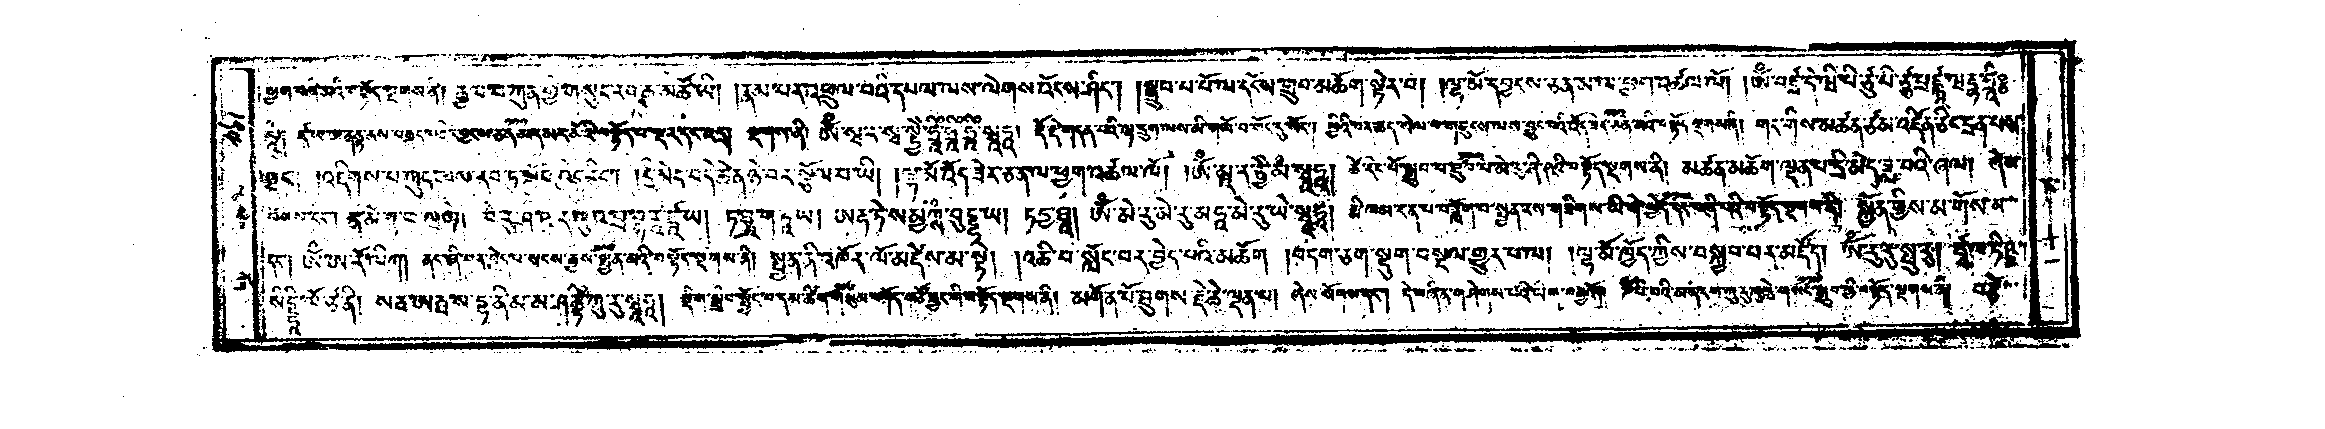ཕྱག་བཞི་མའི་བསྟོད་སྔགས་ནི།  རྒྱལ་བ་ཀུན་གྱི་གསུང་རབ་རྒྱ་མཚོ་ཡི། །རྣམ་པར་འཕྲུལ་བའི་དཔལ་ལས་ལེགས་འོངས་ཤིང་། །སྒྲུབ་པ་པོ་ལ་དངོས་གྲུབ་མཆོག་སྟེར་བ། །ལྷ་མོ་དབྱངས་ཅན་མ་ལ་ཕྱག་འཚལ་ལོ། །ཨོཾ་བཛྲ་དེ་ཝི་པི་ཙུ་པི་ཙུ་པྲཛྙཱ་ཝརྡྷ་ཧྲཱིཿ
ཧཱུཾ༑ ཛ་ཡ་ཨ་ནནྟ་ནས་བརྒྱུད་པའི་དབྱངས་ཅན ༡༡༡་མ་དམར་མོའི་བསྟོད་པ་སྔར་དང་འདྲ། སྔགས་ནི། ཨོཾ་སྭ་ར་སྭ་སྟྱཻ་ཧྲཱིཾ་ཧྲཱིཾ་ཧྲཱིཾ་སྭཱཧཱ། རྡོ་རྗེ་གདན་པའི་ལྷ་དྲུག་ལས་མི་གཡོ་བ་གོང་དུ་སོང་། ཕྱིའི་བར་ཆད་སེལ་བ་གཟུངས་ལས་བྱུང་བའི་འོད་ཟེར་ཅན ༡༡༢་མའི་བསྟོད་སྔགས་ནི། གང་གིས་མཚན་ཙམ་འཛིན་ཅིང་དྲན་པས་
ཀྱང༑ ༑འཇིགས་པ་ཀུན་ལས་རབ་ཏུ་སྐྱོབ་བྱེད་ཅིང་། །དྲི་མེད་བདེ་ཆེན་ཉེ་བར་སྕོལ་བ་ཡི། །ལྷ་མོ་འོད་ཟེར་ཅན་ལ་ཕྱག་འཚལ་ལོ། །ཨོཾ་མཱ་ར་ཅྱཻ་མཾ་སྭཱཧཱ། ཚེ་རིང་པོ་སྒྲུབ་པ་ཐུབ ༡༡༣་པ་མེ་རུ་ཤི་ཥའི་བསྟོད་སྔགས་ནི། མཚན་མཆོག་ལྡན་པ་དྲི་མེད་ཟླ་བའི་ཞལ། ཞེས་
སོགས་དང་། ན་མོ་བྷ་ག་ཝ་ཏེ། མེ་རུ་ཤི་ཥ་ར་ཀུ་ཌ་པྲ་བྷ་རཱ་ཛཱ་ཡ། ཏ་ཐཱ་ག་ཏཱ་ཡ། ཨརྷ་ཏེ་སམྱཀྶཾ་བུདྡྷ་ཡ། ཏདྱ་ཐཱ། ཨོཾ་མེ་རུ་མེ་རུ་མཧཱ་མེ་རུ་ཡེ་སྭཱཧཱ། རྨི་ལམ་ངན་པ་བཟློག་པ་སྤྱན་རས་གཟིགས་ཡི་གེ་ཕྱེད་དང ༡༠༤་བཞི་པའི་བསྟོད་སྔགས་ནི། སྐྱོན་གྱིས་མ་གོས་མ་
དང༑ ཨོཾ་ཨ་རོ་ལིཀ། ནད་ཞི་བར་བྱེད་པ་སངས་རྒྱས་སྤྱན ༡༠༥་མའི་བསྟོད་སྔགས་ནི། སྤྱན་ནི་འཁོར་ལོ་མཛེས་མ་སྟེ། །འཆི་བ་སློང་བར་བྱེད་པའི་མཆོག །བདག་ཅག་སྡུག་བསྔལ་གྱུར་པ་ལ། །ལྷ་མོ་ཁྱོད་ཀྱིས་བསྐྱབ་པར་མཛོད། ཨོཾ་རུ་རུ་སྥུ་རུ། ཛྭ་ལ་ཏིཥཊཿཨ་
སིདྡྷཱི་ལོ་ཙ་ནི། སརྦ་ཨརྠ་ས་དྷ་ནི་མ་མ་ཤནྟིཾ་ཀུ་རུ་སྭཱཧཱ། སྡིག་སྒྲིབ་སྦྱོང་བ་དམ་ཚིག་གསུམ ༡༡༦་བགོད་གཙོ་རྐྱང་གི་བསྟོད་སྔགས་ནི། མགོན་པོ་ཐུགས་རྗེ་ཆེ་ལྡན་པ། ཞེས་སོགས་དང་། དེ་བཞིན་གཤེགས་པའི་ཡིག་བརྒྱའོ།། ཌོཾ་པི་བའི་མན་ངག་ཀུ་རུ་ཀུལླེ་གསང ༡༡༧་སྒྲུབ་ཀྱི་བསྟོད་སྔགས་ནི། བརྩེ་